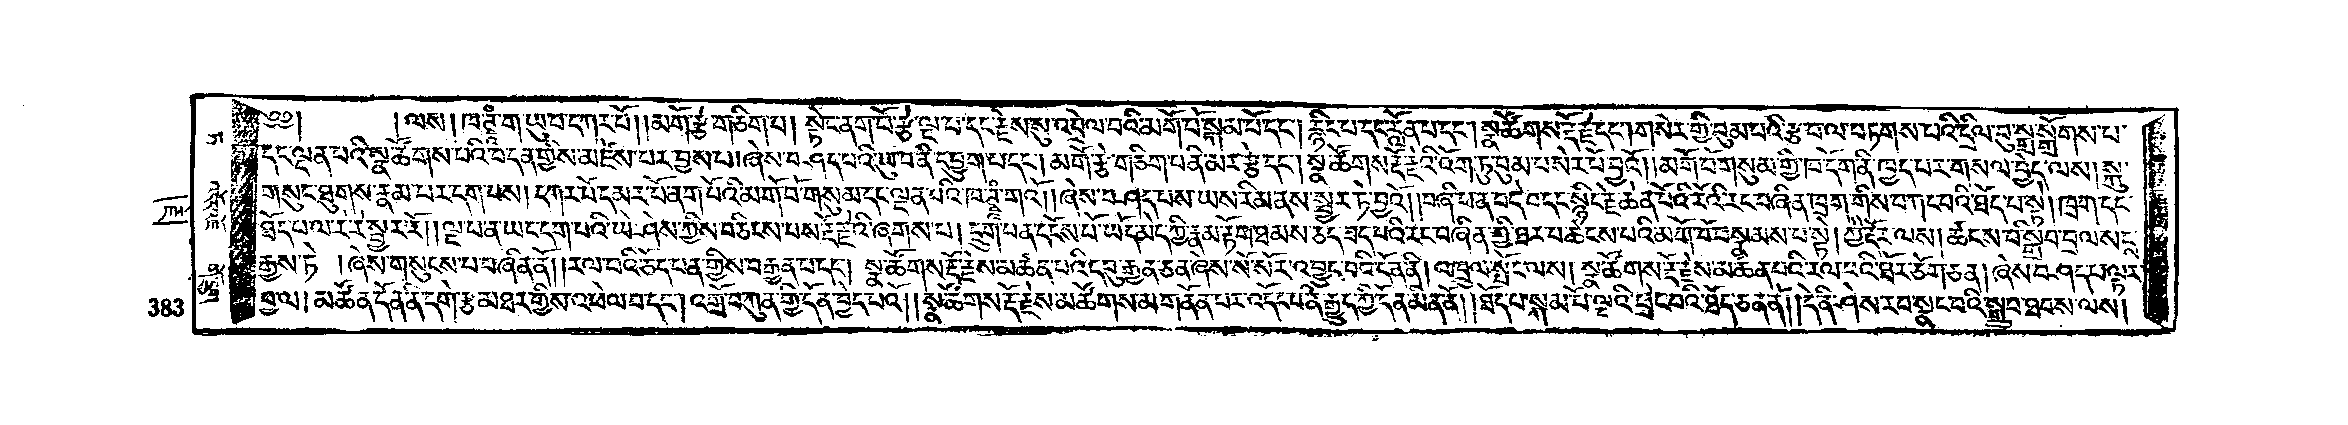༄༅། །ལས། ཁ་ཊྭཱཾ་ག་ཡུ་བ་དཀར་པོ། །མགོ་རྩེ་གཅིག་པ། སྟེང་ནག་པོ་རྩེ་ལྔ་པ་དང་རྗེས་སུ་འབྲེལ་བའི་མགོ་བོ་སྐམ་པོ་དང་། རྙིང་པ་དང་རློན་པ་དང་། སྣ་ཚོགས་རྡོ་རྗེ་དང་། གསེར་གྱི་བུམ་པའི་རྩ་བ་ལ་བཏགས་པའི་དྲིལ་བུ་སྒྲ་སྒྲོགས་པ་
དང་ལྡན་པའི་སྣ་ཚོགས་པའི་བ་དན་གྱིས་མཛེས་པར་བྱས་པ། ཞེས་བཤད་པའི་ཡུ་བ་ནི་དབྱུག་པ་དང་། མགོ་རྩེ་གཅིག་པ་ནི་མར་རྩེ་དང་། སྣ་ཚོགས་རྡོ་རྗེའི་འོག་ཏུ་བུམ་པ་སེར་པོ་བྱའོ། །མགོ་བོ་གསུམ་གྱི་ཁ་དོག་ནི་ཁྱད་པར་གསལ་བྱེད་ལས། སྐུ་
གསུང་ཐུགས་རྣམ་པར་དག་པས། དཀར་པོ་དམར་པོ་ནག་པོའི་མགོ་བོ་གསུམ་དང་ལྡན་པའི་ཁ་ཊྭཱཾ་གའོ། །ཞེས་བཤད་པས་ཡས་རིམ་ནས་སྦྱར་ཏེ་བྱའོ། །བཞི་པ་ན་བདེ་བ་དང་སྙིང་རྗེ་ཆེན་པོའི་རོའི་རང་བཞིན་ཁྲག་གིས་བཀང་བའི་ཐོད་པ་སྟེ། ཁྲག་དང་
ཐོད་པ་ལ་རེ་རེ་སྦྱར་རོ། །ལྔ་པ་ན་ཡང་དག་པའི་ཡེ་ཤེས་ཀྱིས་བཅིངས་པས་རྡོ་རྗེའི་ཞགས་པ། དྲུག་པ་ན་དངོས་པོ་ཡོད་མེད་ཀྱི་རྣམ་རྟོག་ཐམས་ཅད་ཟད་པའི་རང་བཞིན་གྱི་ཐར་པ་ཚངས་པའི་མགོ་བོ་བསྣམས་པ་སྟེ། ཀྱཻ་རྡོར་ལས། ཚངས་པ་སྒྲིབ་བྲལ་སངས་
རྒྱས་ཏེ། ཞེས་གསུངས་པ་བཞིན་ནོ། །རལ་པའི་ཅོད་པན་གྱིས་བརྒྱན་པ་དང་། སྣ་ཚོགས་རྡོ་རྗེས་མཚན་པའི་དབུ་རྒྱན་ཅན་ཞེས་སོ་སོར་འབྱུང་བའི་དོན་ནི། འཁྲུལ་སྤོང་ལས། སྣ་ཚོགས་རྡོ་རྗེས་མཚན་པའི་རལ་པའི་ཐོར་ཅོག་ཅན། ཞེས་བཤད་པ་ལྟར་
བྱ་ལ། མཚོན་དོན་ནི་དགེ་རྩ་མཐར་གྱིས་འཕེལ་བ་དང་། འགྲོ་བ་ཀུན་གྱི་དོན་བྱེད་པའོ། །སྣ་ཚོགས་རྡོ་རྗེས་མཚོགས་མ་གནོན་པར་འདོད་པ་ནི་རྒྱུད་ཀྱི་དོན་མིན་ནོ། །ཐོད་པ་སྐམ་པོ་ལྔའི་ཕྲེང་བའི་ཐོད་ཅན་ནོ། །དེ་ནི་ཤེས་རབ་སྣང་བའི་སྒྲུབ་ཐབས་ལས།